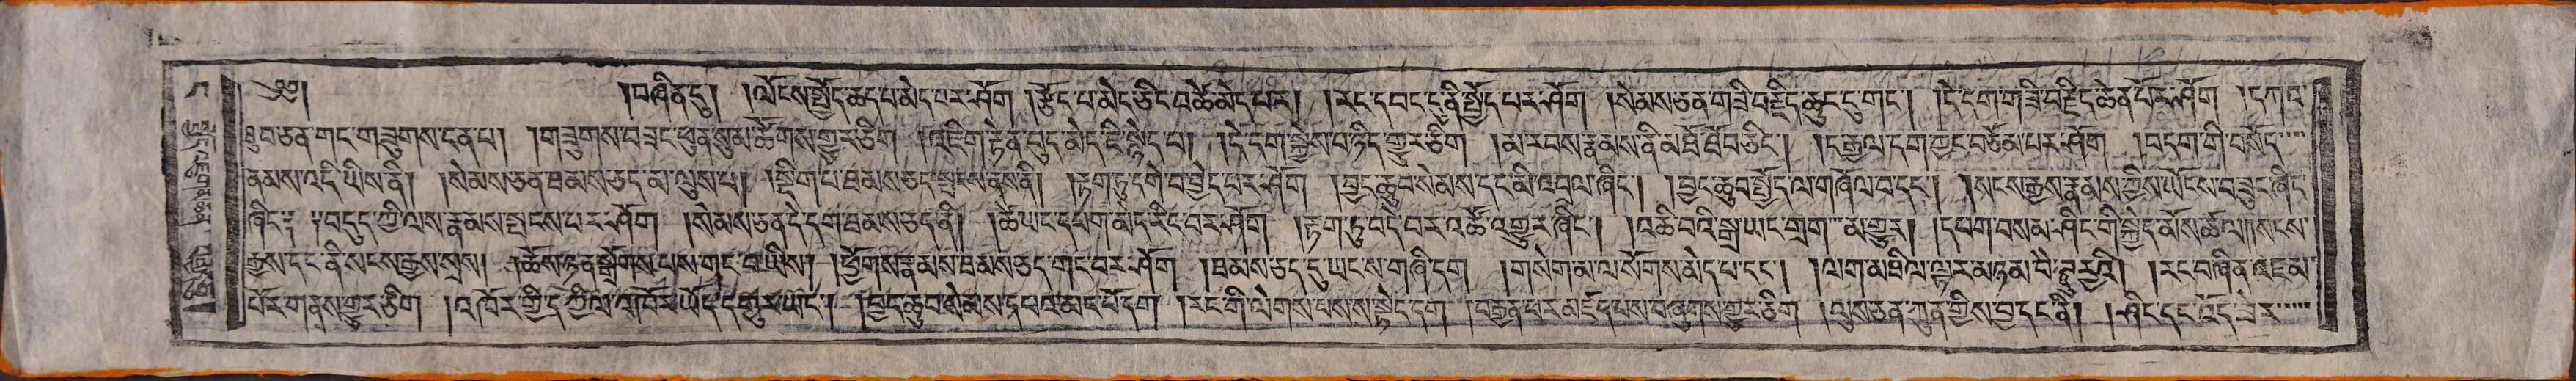༄༅། །བཞིན་དུ། །ལོངས་སྤྱོད་ཆད་པ་མེད་པར་ཤོག །རྩོད་པ་མེད་ཅིང་འཚེ་མེད་བར། །རང་དབང་དུ་ནི་སྤྱོད་པར་ཤོག །སེམས་ཅན་གཟི་བརྗིད་ཆུང་ངུ་གང་། །དེ་དག་གཟི་བརྗིད་ཆེན་པོར་ཤོག །དཀའ་
ཐུབ་ཅན་གང་གཟུགས་ངན་པ། །གཟུགས་བཟང་ཕུན་སུམ་ཚོགས་གྱུར་ཅིག །འཇིག་རྟེན་བུད་མེད་ཇི་སྙེད་པ། །དེ་དག་སྐྱེས་པ་ཉིད་གྱུར་ཅིག །མ་རབས་རྣམས་ནི་མཐོ་ཐོབ་ཅིང་། །ང་རྒྱལ་དག་ཀྱང་བཅོམ་པར་ཤོག །བདག་གི་བསོད་
ནམས་འདི་ཡིས་ནི། །སེམས་ཅན་ཐམས་ཅད་མ་ལུས་པ། །སྡིག་པ་ཐམས་ཅད་སྤངས་ནས་ནི། །རྟག་ཏུ་དགེ་བ་བྱེད་པར་ཤོག །བྱང་ཆུབ་སེམས་དང་མི་འབྲལ་ཞིང་། །བྱང་ཆུབ་སྤྱོད་ལ་གཞོལ་བ་དང་། །སངས་རྒྱས་རྣམས་ཀྱིས་ཡོངས་བཟུང་ཞིང་
ཞིང༑ ༑བདུད་ཀྱི་ལས་རྣམས་སྤངས་བར་ཤོག །སེམས་ཅན་དེ་དག་ཐམས་ཅད་ནི། །ཚེ་ཡང་དཔག་མེད་རིང་བར་ཤོག །རྟག་ཏུ་བདེ་བར་འཚོ་འགྱུར་ཞིང་། །འཆི་བའི་སྒྲ་ཡང་གྲག་མ་གྱུར། །དཔག་བསམ་ཤིང་གི་སྐྱེད་མོས་ཚལ། །སངས་
རྒྱས་དང་ནི་སངས་རྒྱས་སྲས། །ཆོས་ཉན་སྒྲོགས་པས་གང་བ་ཡིས། །ཕྱོགས་རྣམས་ཐམས་ཅད་གང་བར་ཤོག །ཐམས་ཅད་དུ་ཡང་ས་གཞི་དག །གསེག་མ་ལ་སོགས་མེད་པ་དང་། །ལག་མཐིལ་ལྟར་མཉམ་བཻཌཱུརྱའི། །རང་བཞིན་འཇམ་
པོར་གནས་གྱུར་ཅིག །འཁོར་གྱི་དཀྱིལ་འཁོར་ཡོད་དགུར་ཡང་། །བྱང་ཆུབ་སེམས་དཔའ་མང་པོ་དག །རང་གི་ལེགས་བས་ས་སྟེང་དག །བརྒྱན་པར་མཛད་པས་བཞུགས་གྱུར་ཅིག །ལུས་ཅན་ཀུན་གྱིས་བྱ་དང་ནི། །ཤིང་དང་འོད་ཟེར་